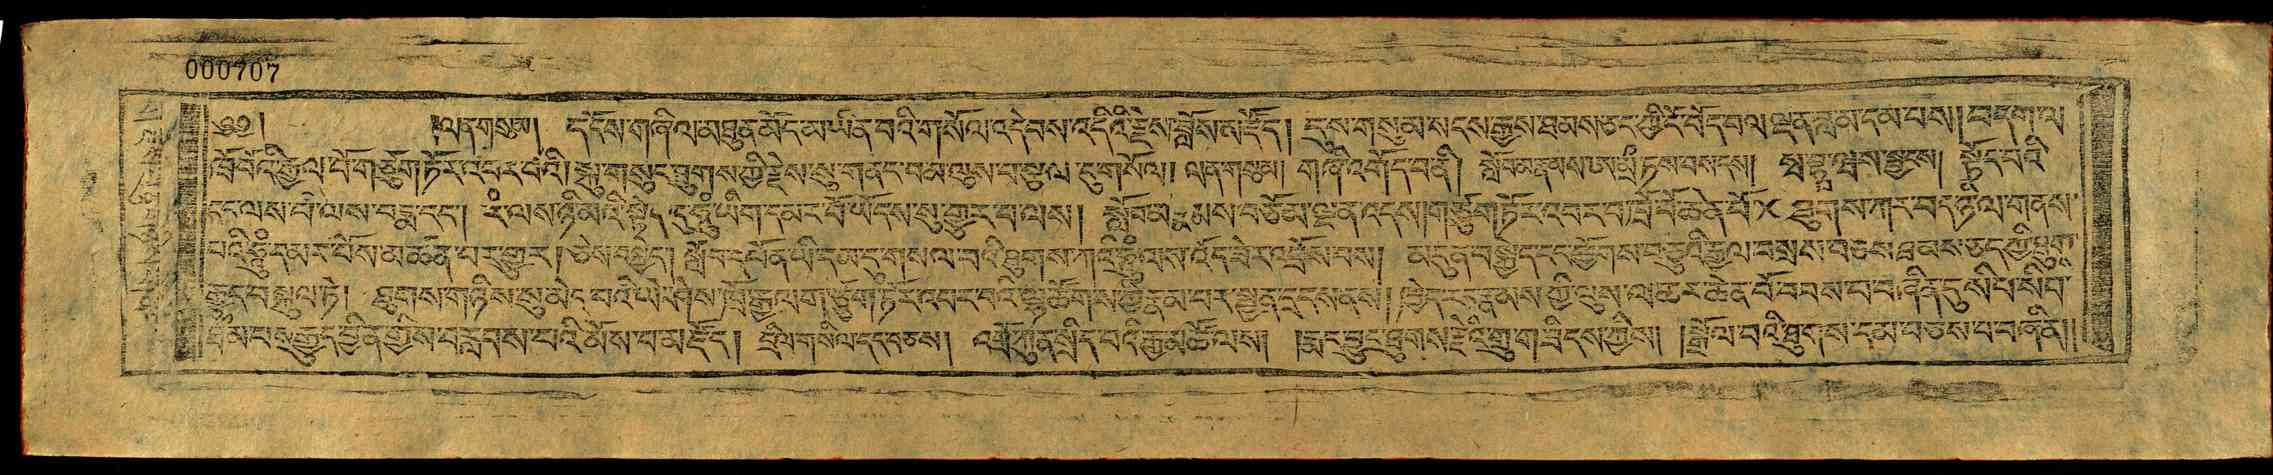༄༅། ། ལན་གསུམ། དངོས་གཞི་ལ་མཐུན་མོང་མ་ཡིན་པའི་གསོལ་འདེབས་འདིའི་རྗེས་ཟློས་མཛོད། དུས་གསུམ་སངས་རྒྱས་ཐམས་ཅད་ཀྱི་ངོ་བོ་དཔལ་ལྡན་བླ་མ་དམ་པས། བདག་ལ་
ཁྲོ་བོའི་རྒྱལ་པོ་གཙུག་ཏོར་འབར་བའི། སྐུ་གསུང་ཐུགས་ཀྱི་རྗེས་སུ་གནང་བ་མ་ལུས་པ་སྩལ་དུ་གསོལ། ལན་གསུམ། གཞི་འགོད་པ་ནི། སློབ་མ་རྣམས་ཨམྲྀ་ཏས་བསངས། སྭ་བྷཱ་ཝས་སྦྱངས། སྟོང་པའི་
ངང་ལས་པཾ་ལས་པདམ་དང་། རཾ་ལས་ཉི་མའི་སྟེང་དུ་ཧཱུཾ་ཡིག་དམར་པོ་ཡོངས་སུ་གྱུར་པ་ལས། སློབ་མ་རྣམས་བཅོམ་ལྡན་འདས་གཙུག་ཏོར་འབར་བ་ཁྲོ་བོ་ཆེན་པོ་྾་ཐུགས་ཀར་པད་ཉི་ལ་གནས་
པའི་ཧཱུཾ་དམར་པོས་མཚན་པར་གྱུར། ཅེས་བསྐྱེད། སློབ་དཔོན་ཡི་དམ་དུ་གསལ་བའི་ཐུགས་ཀའི་ཧཱུཾ་ལས་འོད་ཟེར་འཕྲོས་པས། མདུན་བསྐྱེད་དང་ཕྱོགས་བཅུའི་རྒྱལ་བ་སྲས་བཅས་ཐམས་ཅད་ཀྱི་ཐུགས་
རྒྱུད་བསྐུལ་ཏེ། ཐུགས་གཉིས་སུ་མེད་པའི་ཡེ་ཤེས་ཁྲོ་རྒྱལ་གཙུག་ཏོར་འབར་བའི་ལྷ་ཚོགས་ཀྱི་རྣམ་པར་སྤྱན་དྲངས་ནས། ཁྱེད་རང་རྣམས་ཀྱི་ལུས་ལ་ཆར་ཆེན་པོ་བབས་པ་བཞིན་དུ་སིབ་སིབ་
ཐྀམ་པས་རྒྱུད་བྱིན་གྱིས་བརླབས་པའི་མོས་པ་མཛོད། དྲིལ་གསིལ་དང་བཅས། འགྲོ་ཀུན་སྲིད་པའི་རྒྱ་མཚོ་ལས། །རྨད་བྱུང་ཐུགས་རྗེའི་གྲུ་གཟིངས་ཀྱིས། །སྒྲོལ་བའི་ཐུགས་དམ་བཅས་པ་བཞིན།།